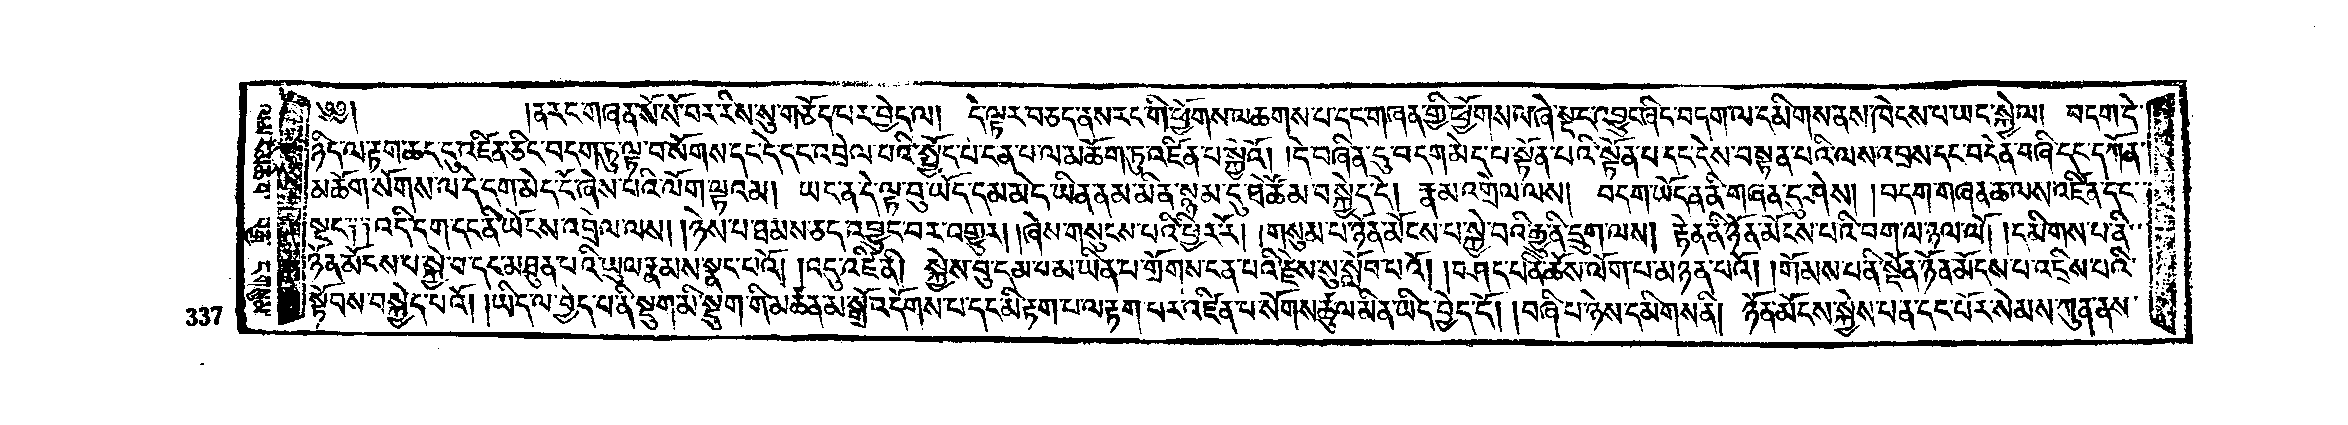༄༅། །ན་རང་གཞན་སོ་སོ་བར་རིས་སུ་གཅོད་པར་བྱེད་ལ། དེ་ལྟར་བཅད་ནས་རང་གི་ཕྱོགས་ལ་ཆགས་པ་དང་གཞན་གྱི་ཕྱོགས་ལ་ཞེ་སྡང་འབྱུང་ཞིང་བདག་ལ་དམིགས་ནས་ཁེངས་པ་ཡང་སྐྱེ་ལ། བདག་དེ་
ཉིད་ལ་རྟག་ཆད་དུ་འཛིན་ཅིང་བདག་ཏུ་ལྟ་བ་སོགས་དང་དེ་དང་འབྲེལ་བའི་སྤྱོད་པ་ངན་པ་ལ་མཆོག་ཏུ་འཛིན་པ་སྐྱེའོ། །དེ་བཞིན་དུ་བདག་མེད་པ་སྟོན་པའི་སྟོན་པ་དང་དེས་བསྟན་པའི་ལས་འབྲས་དང་བདེན་བཞི་དང་དཀོན་
མཆོག་སོགས་ལ་དེ་དག་མེད་དོ་ཞེས་པའི་ལོག་ལྟའམ། ཡང་ན་དེ་ལྟ་བུ་ཡོད་དམ་མེད་ཡིན་ནམ་མིན་སྙམ་དུ་ཐེ་ཚོམ་བསྐྱེད་དེ། རྣམ་འགྲེལ་ལས། བདག་ཡོད་ན་ནི་གཞན་དུ་ཤེས། །བདག་གཞན་ཆ་ལས་འཛིན་དང་
སྡང༑ ༑འདི་དག་དང་ནི་ཡོངས་འབྲེལ་ལས། །ཉེས་པ་ཐམས་ཅད་འབྱུང་བར་འགྱུར། །ཞེས་གསུངས་པའི་ཕྱིར་རོ། །གསུམ་པ་ཉོན་མོངས་པ་སྐྱེ་བའི་རྒྱུ་ནི་དྲུག་ལས། རྟེན་ནི་ཉོན་མོངས་པའི་བག་ལ་ཉལ་ལོ། །དམིགས་པ་ནི་
ཉོན་མོངས་པ་སྐྱེ་བ་དང་མཐུན་པའི་ཡུལ་རྣམས་སྣང་བའོ། །འདུ་འཛི་ནི། སྐྱེས་བུ་དམ་པ་མ་ཡིན་པ་གྲོགས་ངན་པའི་རྗེས་སུ་སློབ་པའོ། །བཤད་པ་ནི་ཆོས་ལོག་པ་མཉན་པའོ། །གོམས་པ་ནི་སྔོན་ཉོན་མོངས་པ་འདྲིས་པའི་
སྟོབས་བསྐྱེད་པའོ། །ཡིད་ལ་བྱེད་པ་ནི་སྡུག་མི་སྡུག་གི་མཚན་མ་སྒྲོ་འདོགས་པ་དང་མི་རྟག་པ་ལ་རྟག་པར་འཛིན་པ་སོགས་ཚུལ་མིན་ཡིད་བྱེད་དོ། །བཞི་པ་ཉེས་དམིགས་ནི། ཉོན་མོངས་སྐྱེས་པ་ན་དང་པོར་སེམས་ཀུན་ནས་